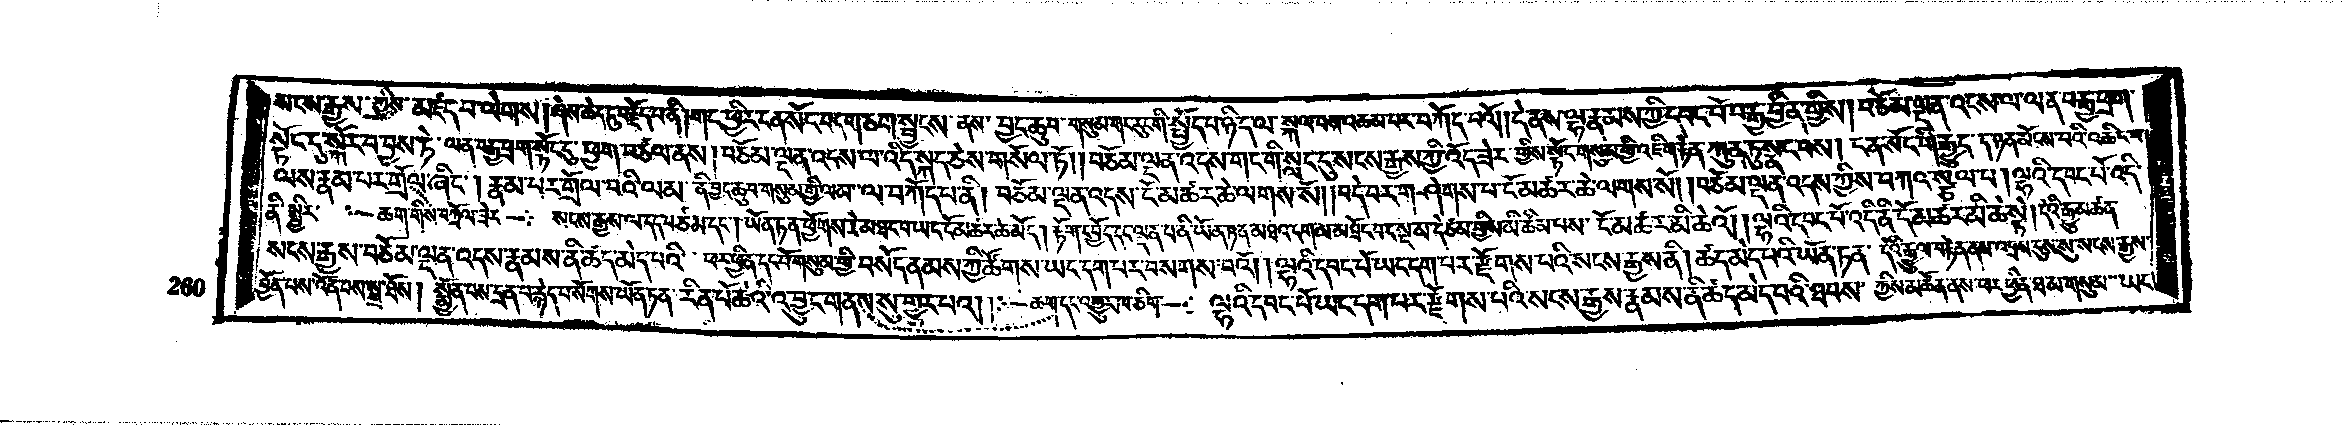སངས་རྒྱས་ཀྱིས་མཛད་པ་ལེགས། ཞེས་ཆེད་དུ་བརྗོད་པ་ནི།  གང་ཕྱིར་ངན་སོང་བདག་ཅག་སྦྱངས་ནས་བྱང་ཆུབ་གསུམ་གང་རུང་གི་སྤྱོད་པ་ཉིད་ལ་སྐལ་བས་འཆམ་པར་བཀོད་པའོ། །དེ་ནས་ལྷ་རྣམས་ཀྱི་དབང་པོ་བརྒྱ་བྱིན་གྱིས། བཅོམ་ལྡན་འདས་ལ་ལན་བརྒྱ་ཕྲག་
སྟོང་དུ་སྐོར་བ་བྱས་ཏེ་ལན་བརྒྱ་ཕྲག་སྟོང་དུ་ཕྱག་བཙལ་ནས། བཅོམ་ལྡན་འདས་ལ་འདི་སྐད་ཅེས་གསོལ་ཏོ། །བཅོམ་ལྡན་འདས་གང་གི་སླང་དུ་སངས་རྒྱས་ཀྱི་འོད་ཟེར་གྱིས་སྟོང་གསུམ་གྱི་འཇིག་རྟེན་ཀུན་ཏུ་སྣང་བས། ངན་སོང་གི་རྒྱུད་དེ་ཉན་མོངས་པའི་འཆིང་བ
ལས་རྣམ་པར་གྲོལ་ཞིང་། རྣམ་པར་གྲོལ་བའི་ལམ་ནི་བྱང་ཆུབ་གསུམ་བྱི་ལམ་ལ་བཀོད་པ་ནི། བཅོམ་ལྡན་འདས་ངོ་མཚར་ཆེ་ལགས་སོ། །བདེ་བར་གཤེགས་པ་ངོ་མཚར་ཆེ་ལགས་སོ། །བཅོམ་ལྡན་འདས་ཀྱིས་བཀའ་སྩལ་པ། ལྷའི་དབང་པོ་འདི་
ནི་སྤྱིར་ཆག་གིས་བཀྲོལ་ཟེར་སངས་རྒྱས་ལ་དད་པ་ཙམ་དང་། ཡོན་ཏན་ཕྱོགས་རེ་མཐང་བ་ཡང་ངོ་མཚར་ཆེ་མོད། རྟོག་དབྱོད་དང་ལྡན་པ་ནི་ཡོན་ཏན་མཐའ་དག་མ་མཐོང་བར་སྔ་མ་དེ་ཙམ་གྱིས་མི་ཚིམ་པས་ངོ་མཚར་མི་ཆེའོ། །ལྷའི་དབང་པོ་འདི་ནི་དོ་མཚར་མི་ཆེ་སྟེ། དེའི་རྒྱུ་མཚན
སངས་རྒྱས་བཅོམ་ལྡན་འདས་རྣམས་ནི་ཚད་མེད་པའི་ཕར་ཕྱིན་དང་པོ་གསུམ་གྱི་བསོད་ནམས་ཀྱི་ཚོགས་ཡང་དག་པར་བསགས་བའོ། །ལྷའི་དབང་པོ་ཡང་དག་པར་རྫོགས་པའི་སངས་རྒྱས་ནི། ཚད་མེད་པའི་ཡོན་ཏན་དེའི་རྒྱུ་ལ་བརྟེན་ནས་འབྲས་དུས་སུ་སངས་རྒྱས་
བྱོན་པས་འོན་པས་སྒྲ་ཐོས། སྨྱོན་པས་དྲན་པ་རྙེད་པ་སོགས་ཡོན་ཏན་རིན་པོ་ཆེའི་འབྱུང་གནས་སུ་གྱུར་པའོ། H.ཆག་དང་འགྱུར་ཁ་ཅིག.Hལྷའི་དབང་པོ་ཡང་དག་པར་རྫོགས་པའི་སངས་རྒྱས་རྣམས་ནི་ཚད་མེད་པའི་ཐབས་ཀྱིས་མཚོན་ནས་ཕར་ཕྱིན་ཐ་མ་གསུམ་ཡང་